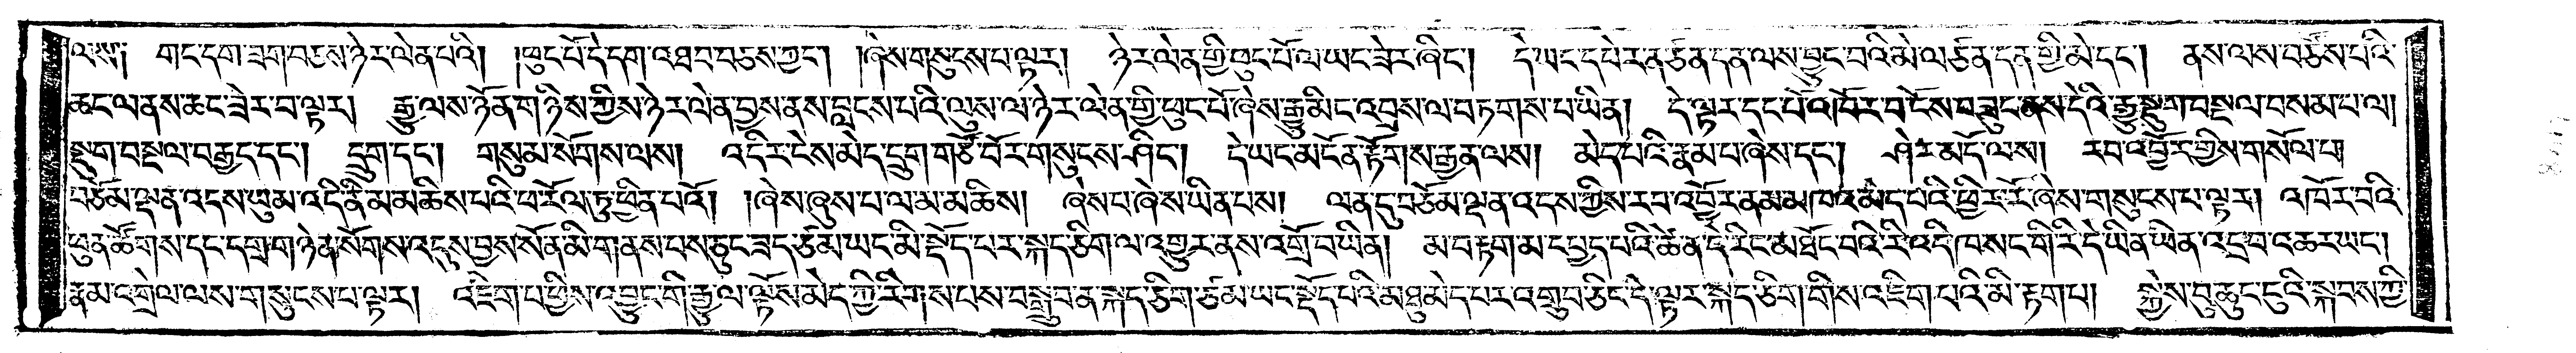ལས༑ གང་དག་ཟག་བཅས་ཉེར་ལེན་པའི། །ཕུང་པོ་དེ་དག་འཐབ་བཅས་ཀྱང་། །ཞེས་གསུངས་པ་ལྟར། ཉེར་ལེན་གྱི་ཕུང་པོ་ལ་ཡང་ཟེར་ཞིང་། དེ་ཡང་དཔེར་ན་ཙན་དན་ལས་བྱུང་བའི་མེ་ལ་ཙན་དན་གྱི་མེ་དང་། ནས་ལས་བཙོས་པའི་
ཆང་ལ་ནས་ཆང་ཟེར་བ་ལྟར། རྒྱུ་ལས་ཉོན་གཉིས་ཀྱིས་ཉེར་ལེན་བྱས་ནས་བླངས་པའི་ལུས་ལ་ཉེར་ལེན་གྱི་ཕུང་པོ་ཞེས་རྒྱུ་མིང་འབྲས་ལ་བཏགས་པ་ཡིན། དེ་ལྟར་དང་པོ་འཁོར་བ་ངོས་བཟུང་ནས་དེའི་རྒྱུ་སྡུག་བསྔལ་བསམ་པ་ལ།
སྡུག་བསྔལ་བརྒྱད་དང་། དྲུག་དང་། གསུམ་སོགས་ལས། འདིར་ངེས་མེད་དྲུག་གཙོ་བོར་གསུངས་ཤིང་། དེ་ཡང་མངོན་རྟོགས་རྒྱན་ལས། མེད་པའི་རྣམ་པ་ཞེས་དང་། ཤེར་མདོ་ལས། རབ་འབྱོར་གྱིས་གསོལ་པ།
བཅོམ་ལྡན་འདས་ཡུམ་འདི་ནི་མ་མཆིས་པའི་ཕ་རོལ་ཏུ་ཕྱིན་པའོ། །ཞེས་ཞུས་པ་ལ་མ་མཆིས། ཞེས་པ་ཞེས་ཡིན་པས། ལན་དུ་བཅོམ་ལྡན་འདས་ཀྱིས་རབ་འབྱོར་ནམ་མཁའ་མེད་པའི་ཕྱིར་རོ་ཞེས་གསུངས་པ་ལྟར། འཁོར་བའི་
ཕུན་ཚོགས་དང་དགྲ་གཉེན་སོགས་འདུས་བྱས་སོན་མི་གནས་པས་ཅུང་ཟད་ཙམ་ཡང་མི་སྡོད་པར་སྐད་ཅིག་ལ་འགྱུར་ནས་འགྲོ་བ་ཡིན། མ་བརྟག་མ་དཔྱད་པའི་ཚེ་ན་དེ་རིང་མཐོང་བའི་རི་འདི་ཁ་སང་གི་རི་དེ་ཡིན་ཡིན་འདྲ་བ་འཆར་ཡང་།
རྣམ་འགྲེལ་ལས་གསུངས་པ་ལྟར། འཇིག་པ་ཕྱིས་འབྱུང་གི་རྒྱུ་ལ་ལྟོས་མེད་ཀྱི་རིགས་པས་བསྒྲུབ་ན་སྐད་ཅིག་ཙམ་ཡང་སྡོད་པའི་མཐུ་མེད་པར་འགྲུབ་ཅིང་དེ་ལྟར་སྐད་ཅིག་གིས་འཇིག་པའི་མི་རྟག་པ། སྐྱེས་བུ་ཆུང་ངུའི་སྐབས་ཀྱི་